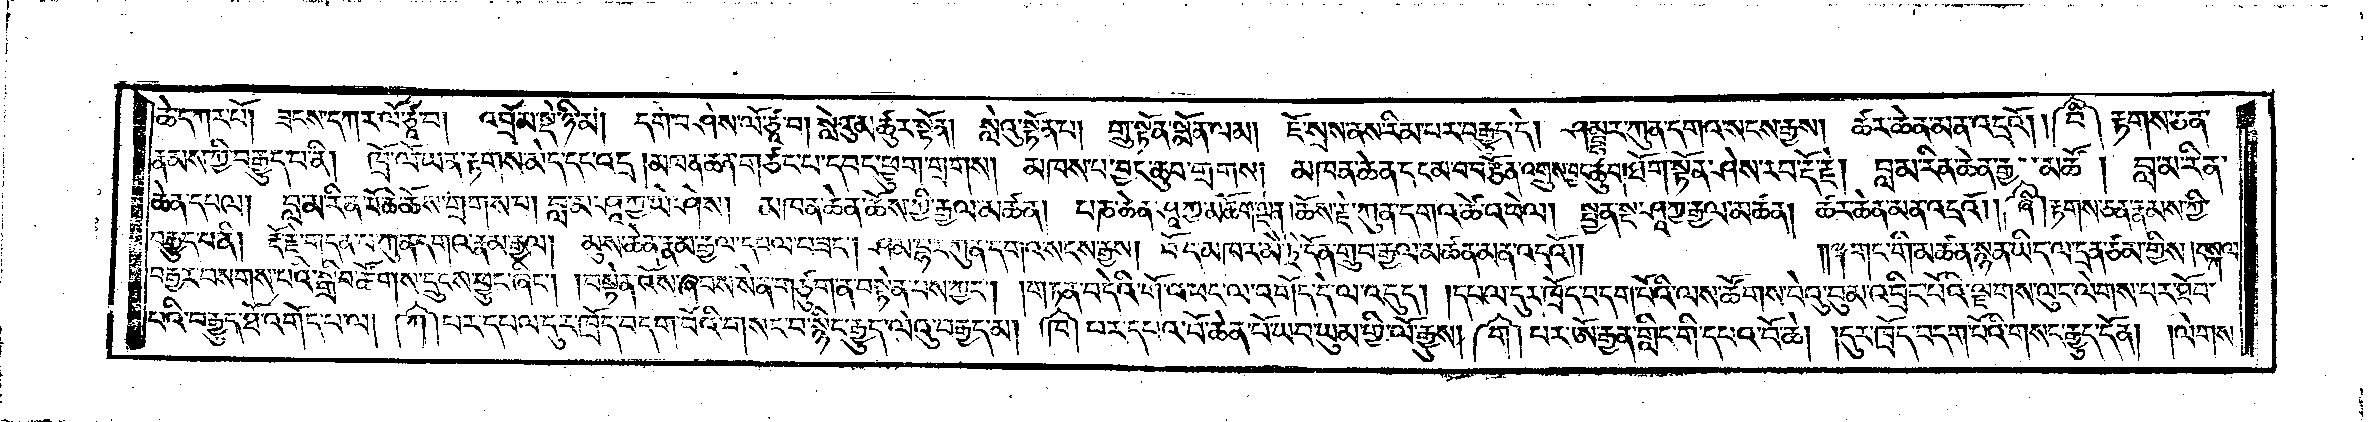ཚེ་དཀར་པོ། ཟངས་དཀར་ལོ་ཙཱ་བ། འབྲོམ་སྡེ་ཉི་མ། དགེ་བཤེས་ལོ་ཙཱ་བ། སླེའུ་མཚུར་སྟོན། སླེའུ་སྟོན་པ། གྲུ་སྟོན་སྨོན་ལམ། ཇོ་སྲས་ནས་རིམ་པར་བརྒྱུད་དེ། ཤམྦྷར། ཀུན་དགའ་སངས་རྒྱས། ཚར་ཆེན་མན་འདྲའོ། །༼བི༽ རྟགས་ཅན་
རྣམས་ཀྱི་བརྒྱུད་པ་ནི། ཁྲོ་ལོ་ཡན་རྟགས་མེད་དང་འདྲ། མཁན་ཆན་གཙང་པ་དབང་ཕྱུག་གྲགས། མཁས་པ་བྱང་ཆུབ་གྲགས། མཁན་ཆེན་དང་མ་བ་བརྩོན་འགྲུས་བྱང་ཆུབ་ཐོག་སྟོན་ཤེས་རབ་རྡོ་རྗེ། བླ་མ་རིན་ཆེན་རྒྱ་མཚོ། བླ་མ་རིན་
ཆེན་དཔལ། བླ་མ་རིན་པོ་ཆེ་ཆོས་གྲགས་པ། བླ་མ་ཤཱཀྱ་ཡེ་ཤེས། མཁན་ཆེན་ཆོས་ཀྱི་རྒྱལ་མཚན། པཎ་ཆེན་ཤཱཀྱ་མཆོག་ལྡན། ཆོས་རྗེ་ཀུན་དགའ་ཚེ་འཕེལ། སྤྱན་སྔ་ཤཱཀྱ་རྒྱལ་མཚན། ཚར་ཆེན་མན་འདྲའོ། །༼ཞི༽ རྟགས་ཅན་རྣམས་ཀྱི་
བརྒྱུད་པ་ནི། རྡོ་རྗེ་གདན་པ་ཀུན་དགའ་རྣམ་རྒྱལ། མུས་ཆེན་རྣམ་རྒྱལ་དཔལ་བཟང་། ཤམ་བྷར་ཀུན་དགའ་སངས་རྒྱས། བོད་མཁར་མཻ་ཏྲི་དོན་གྲུབ་རྒྱལ་མཚན་མན་འདྲའོ།། །། ༈ གང་གི་གི་མཚན་སྙན་ཡིད་ལ་དྲན་ཙམ་གྱིས། བསྐལ་
བརྒྱར་བསགས་པའི་སྒྲིབ་ཚོགས་དྲུངས་ཕྱུང་ཞིང་། །བསྟེན་འོས་ཞབས་སེན་གཙུག་ན་བསྟེན་པས་ཀྱང་། །གཏན་བདེའི་གོ་འཕང་ལ་འགོད་དེ་ལ་འདུད། །དཔལ་དུར་ཁྲོད་བདག་པོའི་ལས་ཚོགས་བེའུ་བུམ་འབྲིང་པོའི་ལྗགས་ལུང་ལེགས་པར་ཐོབ་
པའི་བརྒྱུད་ཐོ་འགོད་པ་ལ། ༼ཀ༽ པར་དཔལ་དུར་ཁྲོད་བདག་པོའི་གསང་བ་སྙིང་རྒྱུད་ལེའུ་བརྒྱད་མ། ༼ཁ༽ པར་དཔའ་བོ་ཆེན་པོ་ཡབ་ཡུམ་གྱི་ལོ་རྒྱུས། ༼ག༽ པར་ཨོ་རྒྱན་གླིང་གི་དཔའ་བོ་ཆེ། །དུར་ཁྲོད་བདག་པོའི་གསང་རྒྱུད་དོན། །ལེགས་